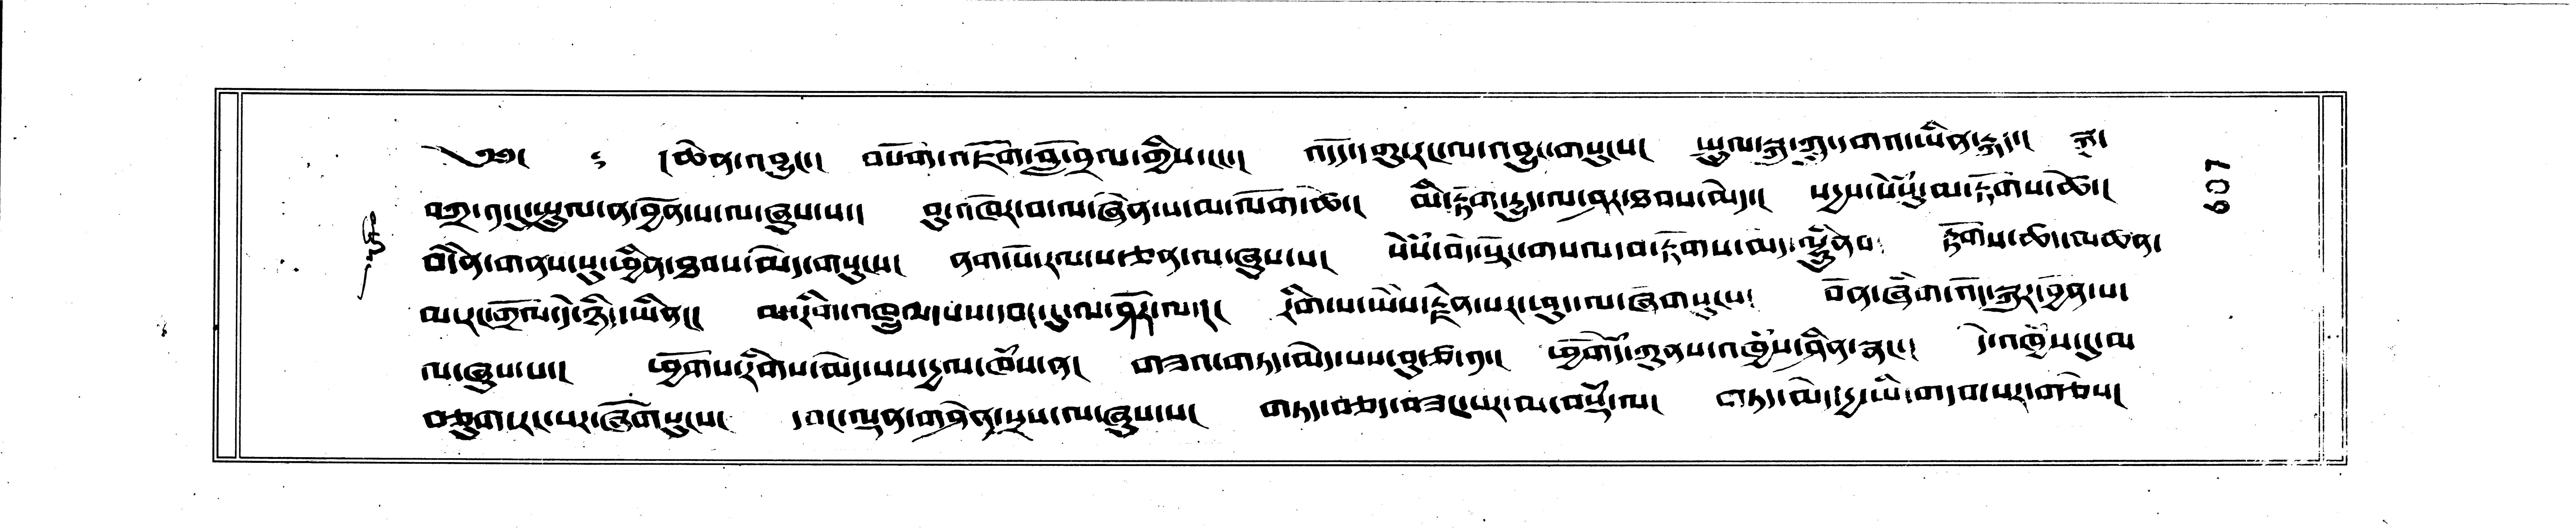ཆེན་འབྱུང་། བསོགས་འཇོགས་བློ་བྲལ་གྱིས་དང་། འདོད་དགུ་རང་ལ་འབྱུང་གསུངས། སྤྲུལ་སྐུ་ཀླུ་དགའ་ཡིན་སྐད། སྐྱ་
བཀྲ་གཅིག་ཏུ་སྤྲུལ་ནས་བྱོན་པ་ལ་ཞུས་པས། བུ་འཁོར་བ་ལ་ཞེན་པ་མ་ལོགས་ཚེ། མི་རྟག་རྒྱུད་ལ་ཤར་ཐབས་མེད། སངས་རྒྱས་སེམས་སུ་མ་རྟོགས་ཚེ། 
བདེ་ཆེན་གནས་སུ་ཕྱིན་ཐབས་མེད་གསུངས། ནག་པ་རལ་པ་ཅན་ལ་ཞུས་པས། སེམས་བདེ་སྟོང་གསལ་བ་རྟོག་མེད་ལྷུན་གྲུབ་ལ། རྟོགས་ཚད་’རྟག་ཆད’མཚན་
མ་རང་གྲོལ་དེ་ཉིད་ཡིན། མ་རིག་འཁྲུལ་པའི་དབང་དུ་མ་ཤོར་ལ། རིག་པའི་ཡེ་ཤེས་རྗེན་པར་ཕུད་ལ་ཞོག་གསུངས། བོན་ཞིག་འོད་སྐུར་བྱོན་པ་
ལ་ཞུས་པས། ཕྱོགས་རིས་མེད་པའི་རྒྱལ་ཁམས་ན། གཟའ་གཏད་མེད་པའི་བུ་ཚ་གཅིག ཕྱོགས་མེད་ཀུན་ན་འཁྱམས་སིན་སྣང་། དེ་འཁྱམས་སུ་མ་
བཅོལ་རང་སར་ཞོག་གསུངས། དབང་ལྡན་བྱེན་སྲས་ལ་ཞུས་པས། གཏད་བཅས་བཟང་པོ་མ་སྡམ་ལ། གཏད་མེད་རྒྱ་ཡན་གྱི་བཏབ་པ་གཅེས།